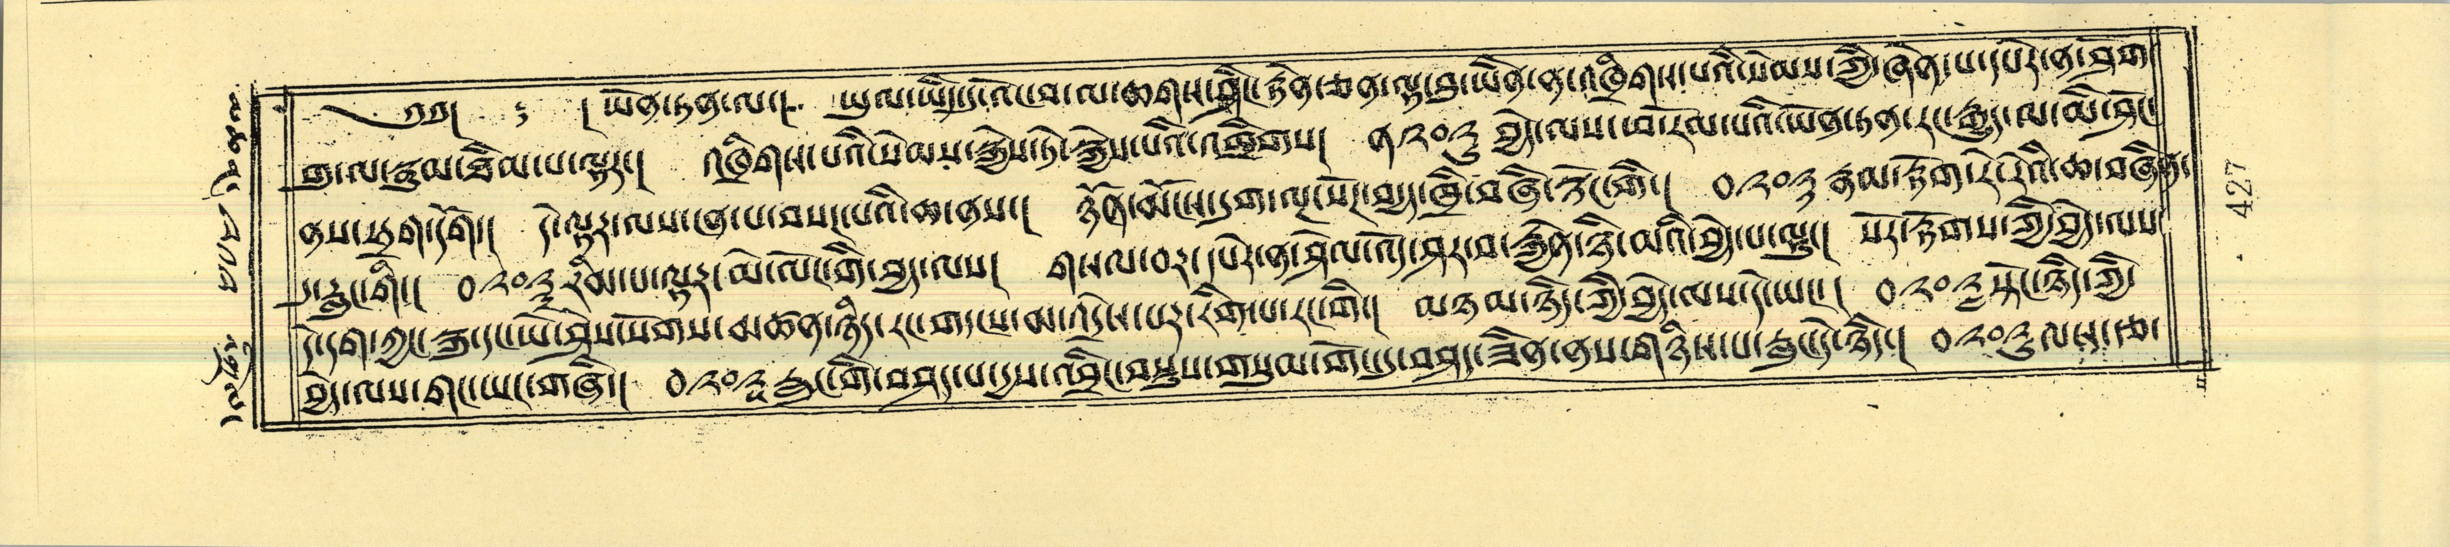ཡོན་ཏན་ལ། ཡུལ་ཡིད་དུ་འོང་བ་ལ་༼ཆགས་ཤིང་༽རྟེན་ཅན་ལྟ་བུ་ཡིན་ན་༼འཁྲིགས་པའི༽སེམས་ཀྱིས་ ༼ཞེན་པ༽དཔེར་ན་ཤོག་
བུ་ལ་སྣུམ་ཐིམ་པ་ལྟར།༼འཁྲིགས་པའི་༽སེམས་སྐྱེས་ཏེ་སྐྱེས་པའི་འཁྲིགས་ན༢༠༢།༦བྱེད་ལས་ཕ་རོལ་པའི་ཡོན་ཏན་རང་རྒྱུད་ལ་མི་ཤོང་
ནས་༼ཕྲག་དོག༽ དེ་ལྟར་ལས་ངན་པ་བསགས་པའི་ཆ་ནས་༼ཉོན་མོངས༽དུག་ལྔ་སོགས་བརྒྱད་ཁྲི་བཞི་སྟོང་གི་བ༢༠༢།༡རྣམ་རྟོག་རེ་རེའི་ཆ་བཞིན་
དུ་༼རླུང་གི༽བ༢༠༢།༣༼རིམ་པ་ལྟར༽མེ་ལོང་གི་བྱད་ལས་གསལ་བར་དཔེར་ན་ཤེལ་འོད་ཤར་བ་རྐྱེན་ཉི་མས་བྱེད་པ་ལྟ་བུ་སོར་རྟོགས་ཀྱི་བྱེད་ལས་
དེ་དག་ཀྱང་སྐུ་དང་ཡེ་ཤེས་སོགས་༼མཚན་ཉིད༽རང་གདངས་༼མ་འདྲེས་པར༽རིག་པ་རང་གི་མཉམ་ཉིད་ཀྱི་བྱེད་ལས་དེ་ཡང་བ༢༠༢།༤སྟོང་ཉིད་ཀྱི་
བྱེད་ལས་༼གང་ཡང༽གཞི་བ༢༠༢།༥རླུང་གི་བཤད་པ་རྒྱས་འབྲིང་བསྡུས་གསུམ་གོང་དུ་བཤད་ཟིན་ནས་༼གཉིས་པ་༽རླུང་དེ་ཉིོད་བ༢༠༢།༦༼ལས༽རྩ་